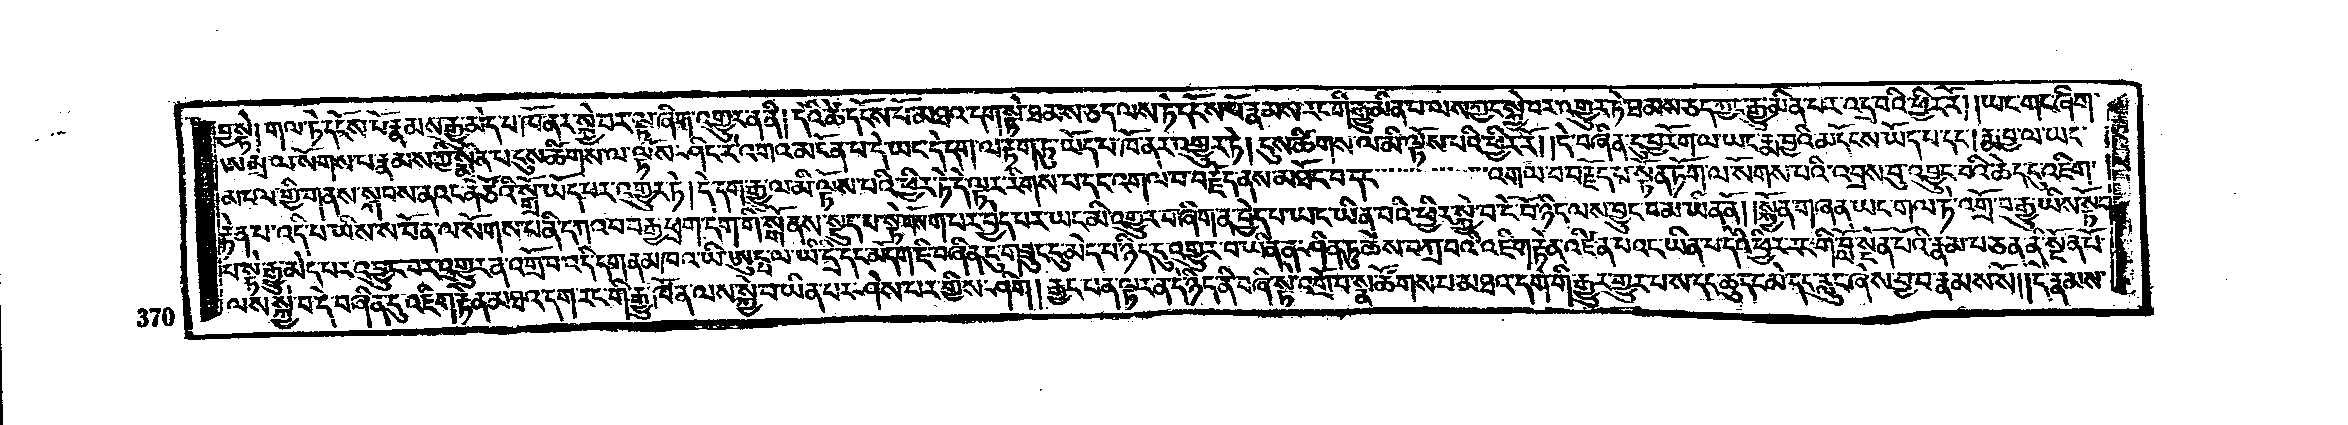བྱ་སྟེ། གལ་ཏེ་དངོས་པོ་རྣམས་རྒྱུ་མེད་པ་ཁོ་ནར་སྐྱེ་བར་ལྟ་ཞིག་འགྱུར་ན་ནི། དེའི་ཚེ་དངོས་པོ་མཐའ་དག་སྟེ་ཐམས་ཅད་ལས་ཏེ་དངོས་པོ་རྣམས་རང་གི་རྒྱུ་མིན་པ་ལས་ཀྱང་སྐྱེ་བར་འགྱུར་ཏེ་ཐམས་ཅད་ཀྱང་རྒྱུ་མིན་པར་འདྲ་བའི་ཕྱིར་རོ། །ཡང་གང་ཞིག་
ཨ་མྲ་ལ་སོགས་པ་རྣམས་ཀྱི་སྨིན་པ་དུས་ཚིགས་ལ་ལྟོས་ཤིང་རེ་འགའ་མངོན་པ་དེ་ཡང་དེ་དག་ལ་རྟག་ཏུ་ཡོད་པ་ཁོ་ནར་འགྱུར་ཏེ། དུས་ཚིགས་ལ་མི་ལྟོས་པའི་ཕྱིར་རོ། །དེ་བཞིན་དུ་བྱ་རོག་ལ་ཡང་རྨ་བྱའི་མདོངས་ཡོད་པ་དང་། རྨ་བྱ་ལ་ཡང་
མངལ་གྱི་གནས་སྐབས་ནའང་ནེ་ཙོའི་སྒྲོ་ཡོད་པར་འགྱུར་ཏེ། དེ་དག་རྒྱུ་ལ་མི་ལྟོས་པའི་ཕྱིར་ཏེ་དེ་ལྟར་རིགས་པ་དང་འགལ་བ་བརྗོད་ནས་མཐོང་བ་དང་འགལ་བ་བརྗོད་པ་སྟོན་ཏོག་ལ་སོགས་པའི་འབྲས་བུ་འབྱུང་བའི་ཆེད་དུ་འཇིག་
རྟེན་པ་འདི་བ་ཡིས་ས་བོན་ལ་སོགས་པ་ནི་དཀའ་བ་བརྒྱ་ཕྲག་དག་གི་སྒོ་ནས་སྡུད་པ་སྟེ་གསོག་པར་བྱེད་པར་ཡང་མི་འགྱུར་བ་ཞིག་ན་བྱེད་པ་ཡང་ཡིན་པའི་ཕྱིར་སྐྱེ་བ་ངོ་བོ་ཉིད་ལས་བྱུང་བ་མ་ཡིན་ནོ། །སྐྱོན་གཞན་ཡང་གལ་ཏེ་འགྲོ་བ་རྒྱུ་ཡིས་སྟོང་
པ་སྟེ་རྒྱུ་མེད་པར་འབྱུང་བར་འགྱུར་ན་འགྲོ་བ་འདི་དག་ནམ་མཁའ་ཡི་ཨུདཔལ་ཡི་དྲི་དང་མདོག་ཇི་བཞིན་དུ་གཟུང་དུ་མེད་པ་ཉིད་དུ་འགྱུར་བ་ཡིན་ན་ཤིན་ཏུ་ཆེས་བཀྲ་བའི་འཇིག་རྟེན་འཛིན་པའང་ཡིན་པ་དེའི་ཕྱིར་རང་གི་བློ་སྔོན་པོའི་རྣམ་པ་ཅན་ནི་སྔོན་པོ་
ལས་སྐྱེ་བ་དེ་བཞིན་དུ་འཇིག་རྟེན་མཐའ་དག་རང་གི་རྒྱུ་ཁོ་ན་ལས་སྐྱེ་བ་ཡིན་པར་ཤེས་པར་གྱིས་ཤིག །རྒྱང་ཕན་ལྟར་ན་དེ་ཉིད་ནི་བཞི་སྟེ་འགྲོ་བ་སྣ་ཚོགས་པ་མཐའ་དག་གི་རྒྱུར་གྱུར་པ་ས་དང་ཆུ་དང་མེ་དང་རླུང་ཞེས་བྱ་བ་རྣམས་སོ། །དེ་རྣམས་